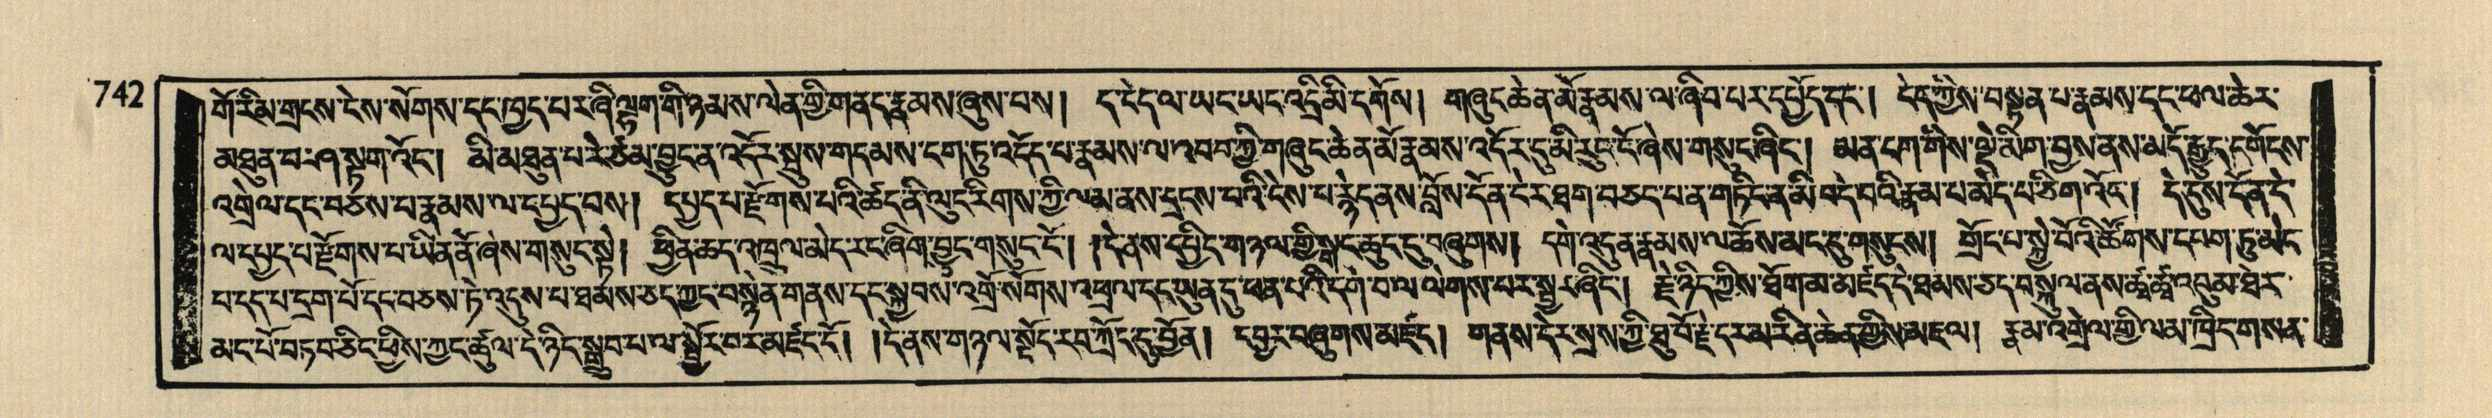གོ་རིམ་གྲངས་ངེས་སོགས་དང་ཁྱད་པར་ཞི་ལྷག་གི་ཉམས་ལེན་གྱི་གནད་རྣམས་ཞུས་པས། ད་ངེད་ལ་ཡང་ཡང་འདྲི་མི་དགོས། གཞུང་ཆེན་མོ་རྣམས་ལ་ཞིབ་པར་དཔྱོད་དང་། ངེད་ཀྱིས་བསྟན་པ་རྣམས་དང་ཕལ་ཆེར་
མཐུན་བ་ཤ་སྟག་འོང་། མི་མཐུན་པ་རེ་ཙམ་བྱུང་ན་འདོར་སྦུས་གདམས་ངག་ཏུ་འདོད་པ་རྣམས་ལ་འབབ་ཀྱི་གཞུང་ཆེན་མོ་རྣམས་འདོར་དུ་མི་རུང་ངོ་ཞེས་གསུང་ཞིང་། མན་ངག་གིས་ལྡེ་མིག་བྱས་ནས་མདོ་རྒྱུད་དགོངས་
འགྲེལ་དང་བཅས་པ་རྣམས་ལ་དཔྱད་བས། དཔྱད་པ་རྫོགས་པའི་ཚད་ནི་ལུང་རིགས་ཀྱི་ལམ་ནས་དྲངས་པའི་ངེས་པ་རྙེད་ནས་བློས་དོན་དེར་ཐག་བཅད་པ་ན་གཏིང་ན་མི་བདེ་བའི་རྣམ་པ་མེད་པ་ཅིག་འོང་། དེ་དུས་དོན་དེ་
ལ་དཔྱད་པ་རྫོགས་པ་ཡིན་ནོ་ཞེས་གསུང་སྟེ། ཕྱིན་ཆད་འཁྲུལ་མེད་རང་ཞིག་བྱུང་གསུང་ངོ། །དེ་ནས་དཔྱིད་གཉལ་གྱི་སྒང་ཆུང་དུ་བཞུགས། དགེ་འདུན་རྣམས་ལ་ཆོས་མང་དུ་གསུངས། གྲོང་པ་སྐྱེ་བོའི་ཚོགས་དཔག་ཏུ་མེད་
པ་དད་པ་དྲག་པོ་དང་བཅས་ཏེ་འདུས་པ་ཐམས་ཅད་ཀྱང་བསྙེན་གནས་དང་སྐྱབས་འགྲོ་སོགས་འཕྲལ་དང་ཡུན་དུ་ཕན་པའི་དགེ་པ་ལ་ལེགས་པར་སྦྱར་ཞིང་། རྗེ་ཉིད་ཀྱིས་ཐོག་མ་མཛད་དེ་ཐམས་ཅད་བསྐུལ་ནས་ཚྭ་ཚྭ་འབུམ་ཐེར་
མང་པོ་བཏབ་ཅིང་ཕྱིས་ཀྱང་ཚུལ་དེ་ཉིད་སྒྲུབ་པ་ལ་སྦྱོར་བར་མཛད་དོ། །དེ་ནས་གཉལ་སྡོང་རབ་ཀྲོང་དུ་བྱོན། དབྱར་བཞུགས་མཛད། གནས་དེར་སྲས་ཀྱི་ཐུ་བོ་རྗེ་དར་མ་རིན་ཆེན་གྱིས་མཇལ། རྣམ་འགྲེལ་གྱི་ལམ་ཁྲིད་གསན་